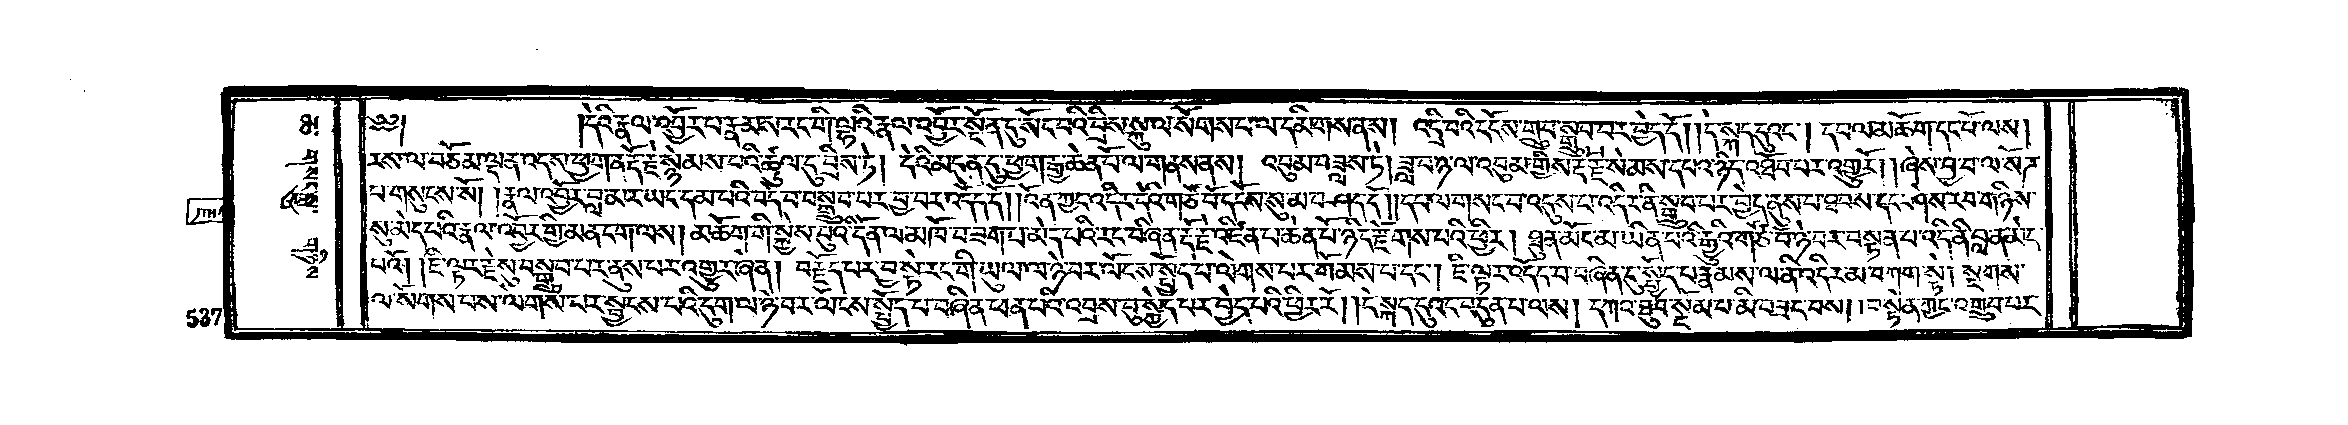༄༅། །དེའི་རྣལ་འབྱོར་པ་རྣམས་རང་གི་ལྷའི་རྣལ་འབྱོར་སྔོན་དུ་སོང་བའི་བྲིས་སྐུ་ལ་སོགས་པ་ལ་དམིགས་ནས། འདྲི་བའི་དངོས་གྲུབ་སྒྲུབ་པར་བྱེད་དོ། །དེ་སྐད་དུའང་། དཔལ་མཆོག་དང་པོ་ལས།
རས་ལ་བཅོམ་ལྡན་འདས་ཕྱག་ན་རྡོ་རྗེ་སྙེམས་པའི་ཚུལ་དུ་བྲིས་ཏེ། དེའི་མདུན་དུ་ཕྱག་རྒྱ་ཆེན་པོ་ལ་གནས་ནས། འབུམ་བཟླས་ཏེ། ཟླ་བ་ཉ་ལ་འབུམ་གྱིས་རྡོ་རྗེ་སེམས་དཔའ་ཉིད་འཐོབ་པར་འགྱུར་རོ། །ཞེས་བྱ་བ་ལ་སོགས་
པ་གསུངས་སོ། །རྣལ་འབྱོར་བླ་མར་ཡང་དམ་པའི་བདེ་བ་བསྒྲུབ་པར་བྱ་བར་འདོད་དོ། །འོན་ཀྱང་འདིར་དེའི་གཙོ་བོ་དངོས་སུ་མ་བཤད་དོ། །དཔལ་གསང་བ་འདུས་པ་འདིར་ནི་སྒྲུབ་པར་བྱེད་ནུས་པ་ཐབས་དང་ཤེས་རབ་གཉིས་
སུ་མེད་པའི་རྣལ་འབྱོར་གྱི་མན་ངག་ལས། མཆོག་གི་སྐྱེས་བུའི་དོན་ལ་མཁོ་བ་ཟག་པ་མེད་པའི་རང་བཞིན་རྡོ་རྗེ་འཛིན་པ་ཆེན་པོ་ཉིད་རྫོགས་པའི་ཕྱིར། ཐུན་མོང་མ་ཡིན་པའི་རྒྱུའི་གཙོ་བོ་ཉེ་བར་བསྟན་པ་འདི་ནི་བླ་ན་མེད་
པའོ། །ཇི་ལྟར་རྗེས་སུ་བསྒྲུབ་པར་ནུས་པར་འགྱུར་ཞེ་ན། བརྗོད་པར་བྱ་སྟེ་རང་གི་ཡུལ་ལ་ཉེ་བར་ལོངས་སྤྱོད་པ་ལེགས་པར་གོམས་པ་དང་། ཇི་ལྟར་འདོད་པ་བཞིན་དུ་སྤྱོད་པ་རྣམས་ལ་ནི་འདིར་མ་བཀག་སྟེ། སྔགས་
ལ་སོགས་པས་ལེགས་པར་སྦྱངས་པའི་དུག་ལ་ཉེ་བར་ལོངས་སྤྱོད་པ་བཞིན་ཕན་པའི་འབྲས་བུ་སྐྱེད་པར་བྱེད་པའི་ཕྱིར་རོ། །དེ་སྐད་དུའང་བདུན་པ་ལས། དཀའ་ཐུབ་སྡོམ་པ་མི་བཟང་པས། །བསྟེན་ཀྱང་འགྲུབ་པར་